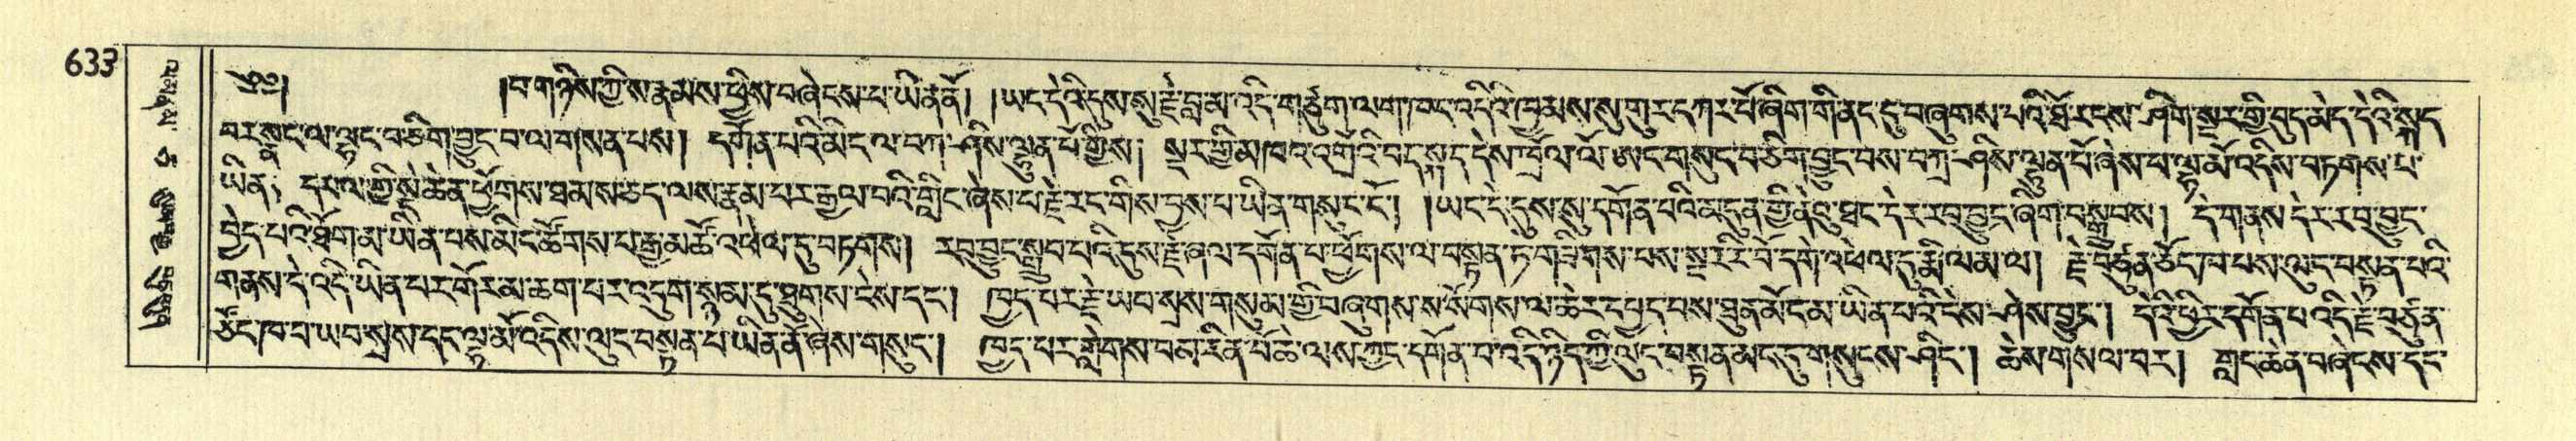༄༅། །བ་གཉིས་ཀྱིས་རྣམས་ཕྱིས་བཞེངས་པ་ཡིན་ནོ། །ཡང་དེའི་དུས་སུ་རྗེ་བླ་མ་འདི་གཙུག་ལག་ཁང་འདིའི་ཁྱམས་སུ་གུར་དཀར་པོ་ཞིག་གི་ནང་དུ་བཞུགས་པའི་ཐོ་རངས་ཤིག་སྔར་གྱི་བུད་མེད་དེའི་སྐད་
བར་སྣང་ལ་ལྷང་བ་ཅིག་བྱུང་བ་ལ་གསན་པས། དགོན་པའི་མིང་ལ་བཀྲ་ཤིས་ལྷུན་པོ་གྱིས། སྔར་གྱི་མཁའ་འགྲོའི་བད་སྐད་དེས་ཁྲོལ་ལོ་ཨང་གསུང་བ་ཅིག་བྱུང་བས་བཀྲ་ཤིས་ལྷུན་པོ་ཞེས་པ་ལྷ་མོ་འདིས་བཏགས་པ་
ཡིན༑ དཔལ་གྱི་སྡེ་ཆེན་ཕྱོགས་ཐམས་ཅད་ལས་རྣམ་པར་རྒྱལ་བའི་གླིང་ཞེས་པ་རྗེ་རང་གིས་བྱས་པ་ཡིན་གསུང་ངོ། །ཡང་དེ་དུས་སུ་དགོན་པའི་མདུན་གྱི་ནེའུ་ཐང་དེར་རབ་བྱུང་ཞིག་བསྒྲུབས། དེ་གནས་དེར་རབ་བྱུང་
བྱེད་པའི་ཐོག་མ་ཡིན་པས་མིང་ཚོགས་པ་རྒྱ་མཚོ་འཕེལ་དུ་བཏགས། རབ་བྱུང་སྒྲུབ་པའི་དུས་རྗེ་ཞལ་དགོན་པ་ཕྱོགས་ལ་བསྟན་ཏེ་གཟིགས་པས་སྔར་རི་བོ་དགེ་འཕེལ་དུ་རྨི་ལམ་ལ། རྗེ་བཙུན་ཙོང་ཁ་པས་ལུང་བསྟན་པའི་
གནས་དེ་འདི་ཡིན་པར་གོར་མ་ཆག་པར་འདུག་སྙམ་དུ་ཐུགས་ངེས་དང་། ཁྱད་པར་རྗེ་ཡབ་སྲས་གསུམ་གྱི་བཞུགས་ས་སོགས་ལ་ཆེར་དཔྱད་བས་ཐུན་མོང་མ་ཡིན་པའི་ངེས་ཤེས་བྱུང་། དེའི་ཕྱིར་དགོན་པ་འདི་རྗེ་བཙུན་
ཙོང་ཁ་པ་ཡབ་སྲས་དང་ལྷ་མོ་འདིས་ལུང་བསྟན་པ་ཡིན་ནོ་ཞེས་གསུང་། ཁྱད་པར་གླེགས་བམ་རིན་པོ་ཆེ་ལས་ཀྱང་དགོན་བ་འདི་ཉིད་ཀྱི་ལུང་བསྟན་མང་དུ་གསུངས་ཤིང་། ཆེས་གསལ་བར། གླང་ཆེན་བཞེངས་དང་